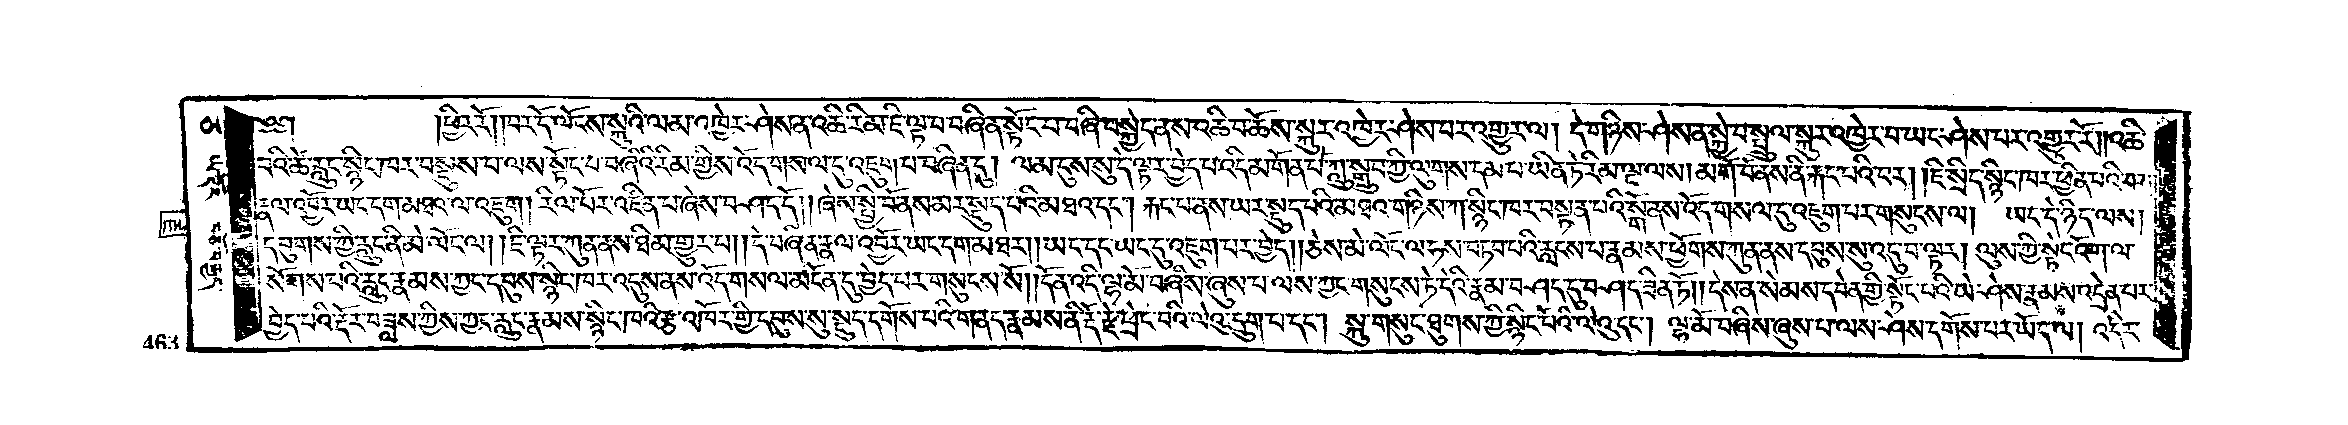༄༅། །ཕྱིར་རོ། །བར་དོ་ལོངས་སྐུའི་ལམ་འཁྱེར་ཤེས་ན་འཆི་རིམ་ཇི་ལྟ་བ་བཞིན་སྟོང་པ་བཞི་བསྐྱེད་ནས་འཆི་བ་ཆོས་སྐུར་འཁྱེར་ཤེས་པར་འགྱུར་ལ། དེ་གཉིས་ཤེས་ན་སྐྱེ་བ་སྤྲུལ་སྐུར་འཁྱེར་བ་ཡང་ཤེས་པར་འགྱུར་རོ། །འཆི་
བའི་ཚེ་རླུང་སྙིང་ཁར་བསྡུས་པ་ལས་སྟོང་པ་བཞིའི་རིམ་གྱིས་འོད་གསལ་དུ་འཇུག་པ་བཞིན་དུ། ལམ་དུས་སུ་དེ་ལྟར་བྱེད་པ་འདི་མགོན་པོ་ཀླུ་སྒྲུབ་ཀྱི་ལུགས་དམ་པ་ཡིན་ཏེ་རིམ་ལྔ་ལས། མགོ་བོ་ནས་ནི་རྐང་པའི་བར། །ཇི་སྲིད་སྙིང་ཁར་ཕྱིན་པའི་བར།།
རྣལ་འབྱོར་ཡང་དག་མཐའ་ལ་འཇུག །རིལ་པོར་འཛིན་པ་ཞེས་བཤད་དོ། །ཞེས་སྤྱི་བོ་ནས་མར་སྡུད་པའི་མཐའ་དང་། རྐང་པ་ནས་ཡར་སྡུད་པའི་མཐའ་གཉིས་ཀ་སྙིང་ཁར་བསྟན་པའི་སྒོ་ནས་འོད་གསལ་དུ་འཇུག་པར་གསུངས་ལ། ཡང་དེ་ཉིད་ལས།
དབུགས་ཀྱི་རླུང་ནི་མེ་ལོང་ལ། །ཇི་ལྟར་ཀུན་ནས་ཐིམ་གྱུར་པ། །དེ་བཞིན་རྣལ་འབྱོར་ཡང་དག་མཐར། །ཡང་དང་ཡང་དུ་འཇུག་པར་བྱེད། །ཅེས་མེ་ལོང་ལ་ཧས་བཏབ་པའི་རླངས་པ་རྣམས་ཕྱོགས་ཀུན་ནས་དབུས་སུ་འདུ་བ་ལྟར། ལུས་ཀྱི་སྟེང་འོག་ལ་
སོགས་པའི་རླུང་རྣམས་ཀྱང་དབུས་སྙིང་ཁར་འདུས་ནས་འོད་གསལ་མངོན་དུ་བྱེད་པར་གསུངས་སོ། །དོན་འདི་ལྷ་མོ་བཞིས་ཞུས་པ་ལས་ཀྱང་གསུངས་ཏེ་དེའི་རྣམ་བཤད་དུ་བཤད་ཟིན་ཏོ། །དེས་ན་སེམས་དབེན་གྱི་སྟོང་པའི་ཡེ་ཤེས་རྣམས་འདྲེན་པར་
བྱེད་པའི་རྡོར་བཟླས་ཀྱིས་ཀྱང་རླུང་རྣམས་སྙིང་ཁའི་རྩ་འཁོར་གྱི་དབུས་སུ་སྡུད་དགོས་པའི་གནད་རྣམས་ནི་རྡོ་རྗེ་ཕྲེང་བའི་ལེའུ་དྲུག་པ་དང་། སྐུ་གསུང་ཐུགས་ཀྱི་སྙིང་པོའི་ལེའུ་དང་། ལྷ་མོ་བཞིས་ཞུས་པ་ལས་ཤེས་དགོས་པར་ཡོད་ལ། འདིར་